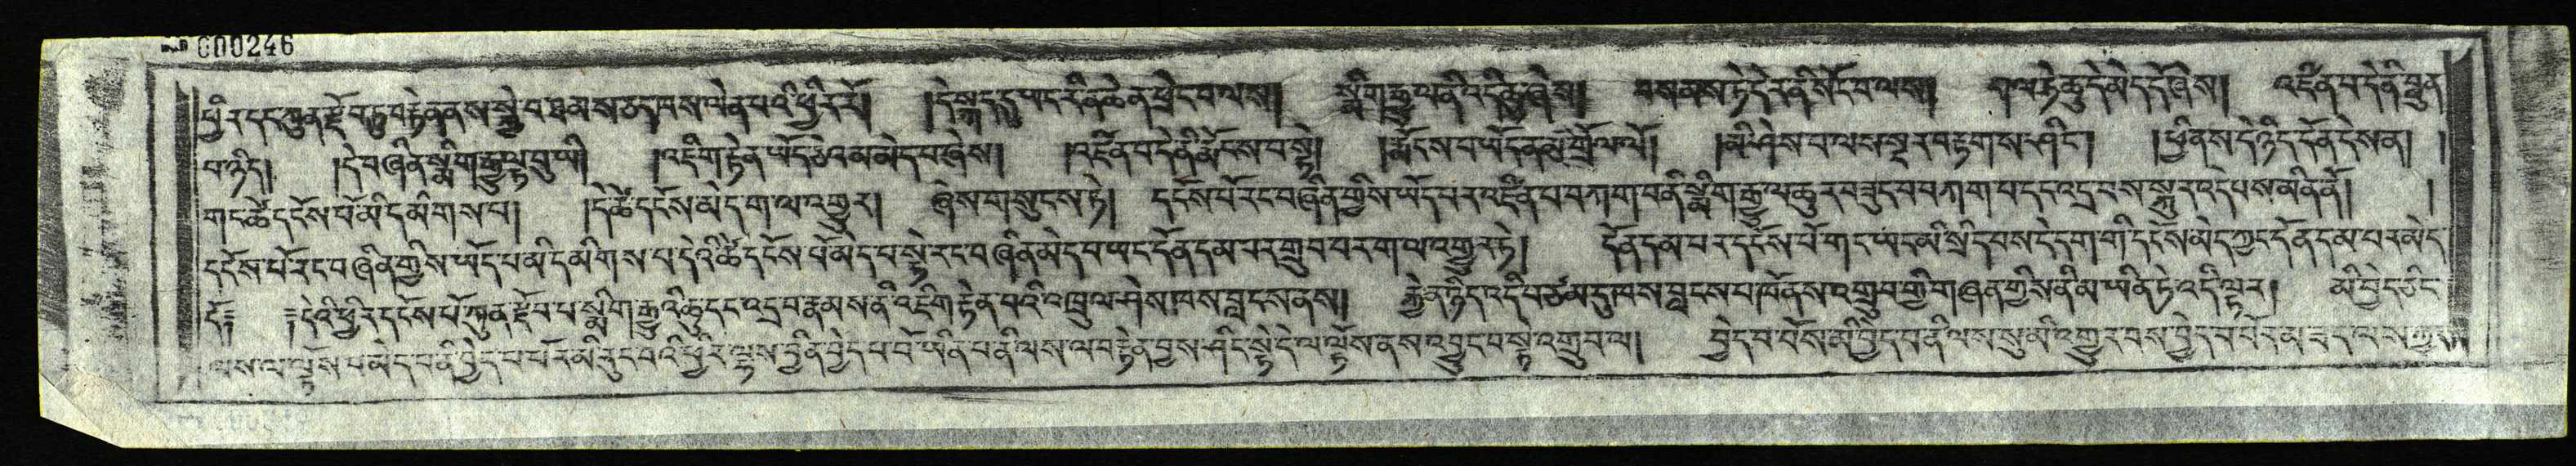ཕྱིར་དང་ཀུན་རྫོབ་ཏུ་བརྟེན་ནས་སྐྱེ་བ་ཐམས་ཅད་ཁས་ལེན་པའི་ཕྱིར་རོ། །དེ་སྐད་དུ་ཡང་རིན་ཆེན་ཕྲེང་བ་ལས། སྨིག་རྒྱུ་ལ་ནི་འདི་ཆུ་ཞེས། བསམས་ཏེ་དེར་ནི་སོང་བ་ལས། གལ་ཏེ་ཆུ་དེ་མེད་དོ་ཞེས། འཛིན་པ་དེ་ནི་བླུན་
པ་ཉིད། །དེ་བཞིན་སྨིག་རྒྱུ་ལྟ་བུ་ཡི། །འཇིག་རྟེན་ཡོད་ཅེའམ་མེད་པ་ཞེས། །འཛིན་པ་དེ་ནི་རྨོངས་བ་སྟེ། །རྨོངས་པ་ཡོད་ན་མ་གྲོལ་ལོ། །མི་ཤེས་པ་ལས་སྔར་བརྟགས་ཤིང་། །ཕྱི་ནས་དེ་ཉིད་དོན་དེས་ན། །
གང་ཚེ་དངོས་པོ་མི་དམིགས་པ། །དེ་ཚེ་དངོས་མེད་ག་ལ་འགྱུར། ཞེས་གསུངས་ཏེ། དངོས་པོ་རང་བཞིན་གྱིས་ཡོད་པར་འཛིན་པ་བཀག་བ་ནི་སྨིག་རྒྱུ་ལ་ཆུར་བཟུང་བ་བཀག་པ་དང་འདྲ་བས་སྐུར་འདེབས་མིན་ནོ། །
དངོས་པོ་རང་བཞིན་གྱིས་ཡོད་པ་མི་དམིགས་པ་དེའི་ཚེ་དངོས་པོ་མེད་པ་སྟེ་རང་བཞིན་མེད་པ་ཡང་དོན་དམ་པར་གྲུབ་པར་ག་ལ་འགྱུར་ཏེ། དོན་དམ་པར་དངོས་པོ་གང་ཡང་མི་སྲིད་པས་དེ་དག་གི་དངོས་མེད་ཀྱང་དོན་དམ་པར་མེད་
དོ༑ ༑དེའི་ཕྱིར་དངོས་པོ་ཀུན་རྫོབ་པ་སྨིག་རྒྱུའི་ཆུ་དང་འདྲ་བ་རྣམས་ནི་འཇིག་རྟེན་པའི་འཁྲུལ་ཤེས་ཁས་བླངས་ནས། རྐྱེན་ཉིད་འདི་བ་ཙམ་དུ་ཁས་བླངས་པ་ཁོ་ནས་འགྲུབ་གྱི་གཞན་གྱིས་ནི་མ་ཡིན་ཏེ་འདི་ལྟར། མི་བྱེད་ཅིང་
ལས་ལ་ལྟོས་པ་མེད་པ་ནི་བྱེད་པ་པོར་མི་རུང་བའི་ཕྱིར་ལྷས་བྱིན་བྱེད་པ་པོ་ཡིན་པ་ནི་ལས་ལ་བརྟེན་བྱས་ཤིང་སྟེ་དེ་ལ་ལྟོས་ནས་འབྱུང་བ་སྟེ་འགྲུབ་ལ། བྱེད་པ་པོས་མི་བྱེད་པ་ནི་ལས་སུ་མི་འགྱུར་བས་བྱེད་པ་པོར་མ་ཟད་ལས་ཀྱང་